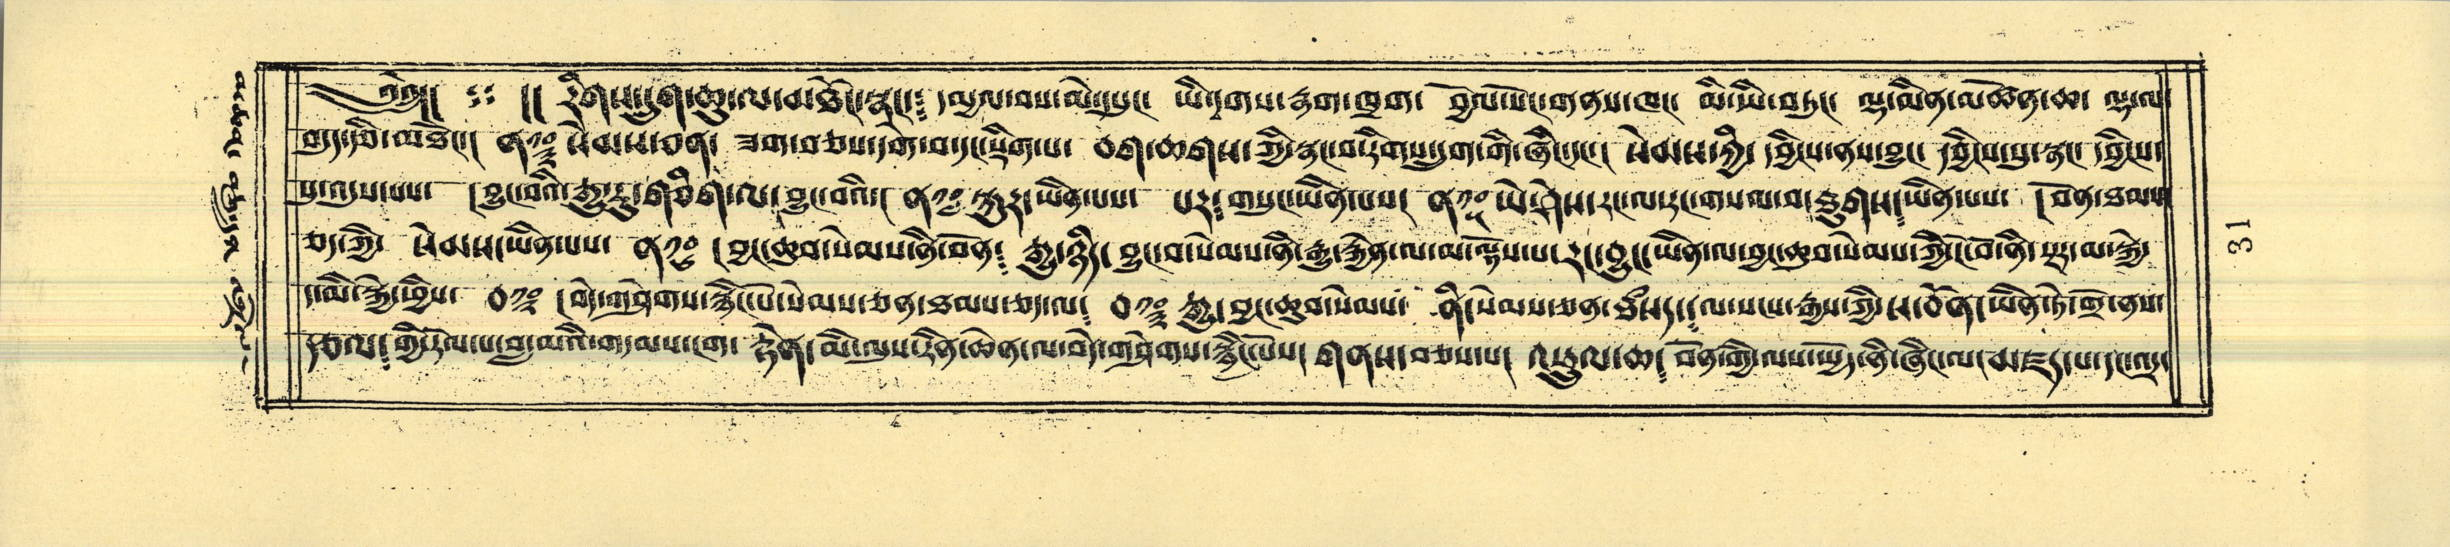རིགས་དྲུག་ཆུ་ལ་མཐོང་སྣང༑༼དམྱལ་བས་མེ་དཔུང་ཡི་དྭགས་རྣག་ཁྲག་བྱོལ་སོང་གནས་ཁང་མི་ཡི་བཏུང་བ་ལྷ་མིན་མཚོན་ཆ་ལྷ་ལ་
བདུད་རྩི་མཐོང་༽ན༡༠།༣ སེམས་ཅན༑༼ཟག་བཅས་དགེ་བ་དང་སྡིག་པ༽བག་ཆགས་༼ཀྱི་སྣང་བ་དང་རིགས་དྲུག་ཞིང་དང་༽སེམས་ཀྱི་༼དབྱིངས་ནས་བྱུང་དབྱིངས་སུ་སྣང་དབྱིངས་
སུ་འདུས་པས་བྱུང་བའི་༽རྒྱུ་རུ་གཅིག་ལ་༼བྱུང་བའི༽ན༡༠།༤ སྐུར༑ ༼ཡིན་པས༽པར༑ ༼གསུང་ཡིན་པས༽ན༡༠།༥ ཡེ་ཤེས་༼རང་ལ་རང་གསལ་བ༽ཐུགས་༼ཡིན་པས༽བོན་ཐམས་
ཅད་ཀྱི་༼སེམས༽ཡིན་པས། ན༡༠།༦ བྱང་ཆུབ་སེམས་ནི་བོན། རྒྱུ་ཉིད༑༼བྱང་ཆུབ་སེམས་ནི་རྒྱུ་རྐྱེན་ལས་མ་ལྟོས་པར༽རང་བྱུང་༼ཡིན་ལ་བྱང་ཆུབ་སེམས་ཀྱི་ངོ་བོ་ནི་སྔར་མ་སྐྱེས་
ད་མི་སྐྱེ་ཕྱིས༽བ༡༠།༢ བདེར་གཤེགས་སྙིང་པོ་སེམས་ཅན་ཐམས་ཅད་ལ། བ༡༠།༣ རྒྱུ༑༼བྱང་ཆུབ་སེམས་༽ནི༼སེམས་ཅན༽ཐམས་ཅད་༼ལ་སངས་རྒྱས་ཀྱི༽ས་བོན༼ཡིན་ཏེ་གྲོ་ནས༽
རྩལ་༼གྱི་རོལ་པ་བླ་མའི་གདམས་ངག༽རྟེན་༼མི་ལུས་རིན་ཆེན་ལ་བདེར་གཤེགས་སྙིང་པོས༽གནས་༼བཅས་པ༽འཕྲུལ་ཆ་༼བོན་གྱི་ལས་སྤྱོད་ནི་ཞིང་ལ་༽མཛད་པ་༼དང་འདྲ་༽